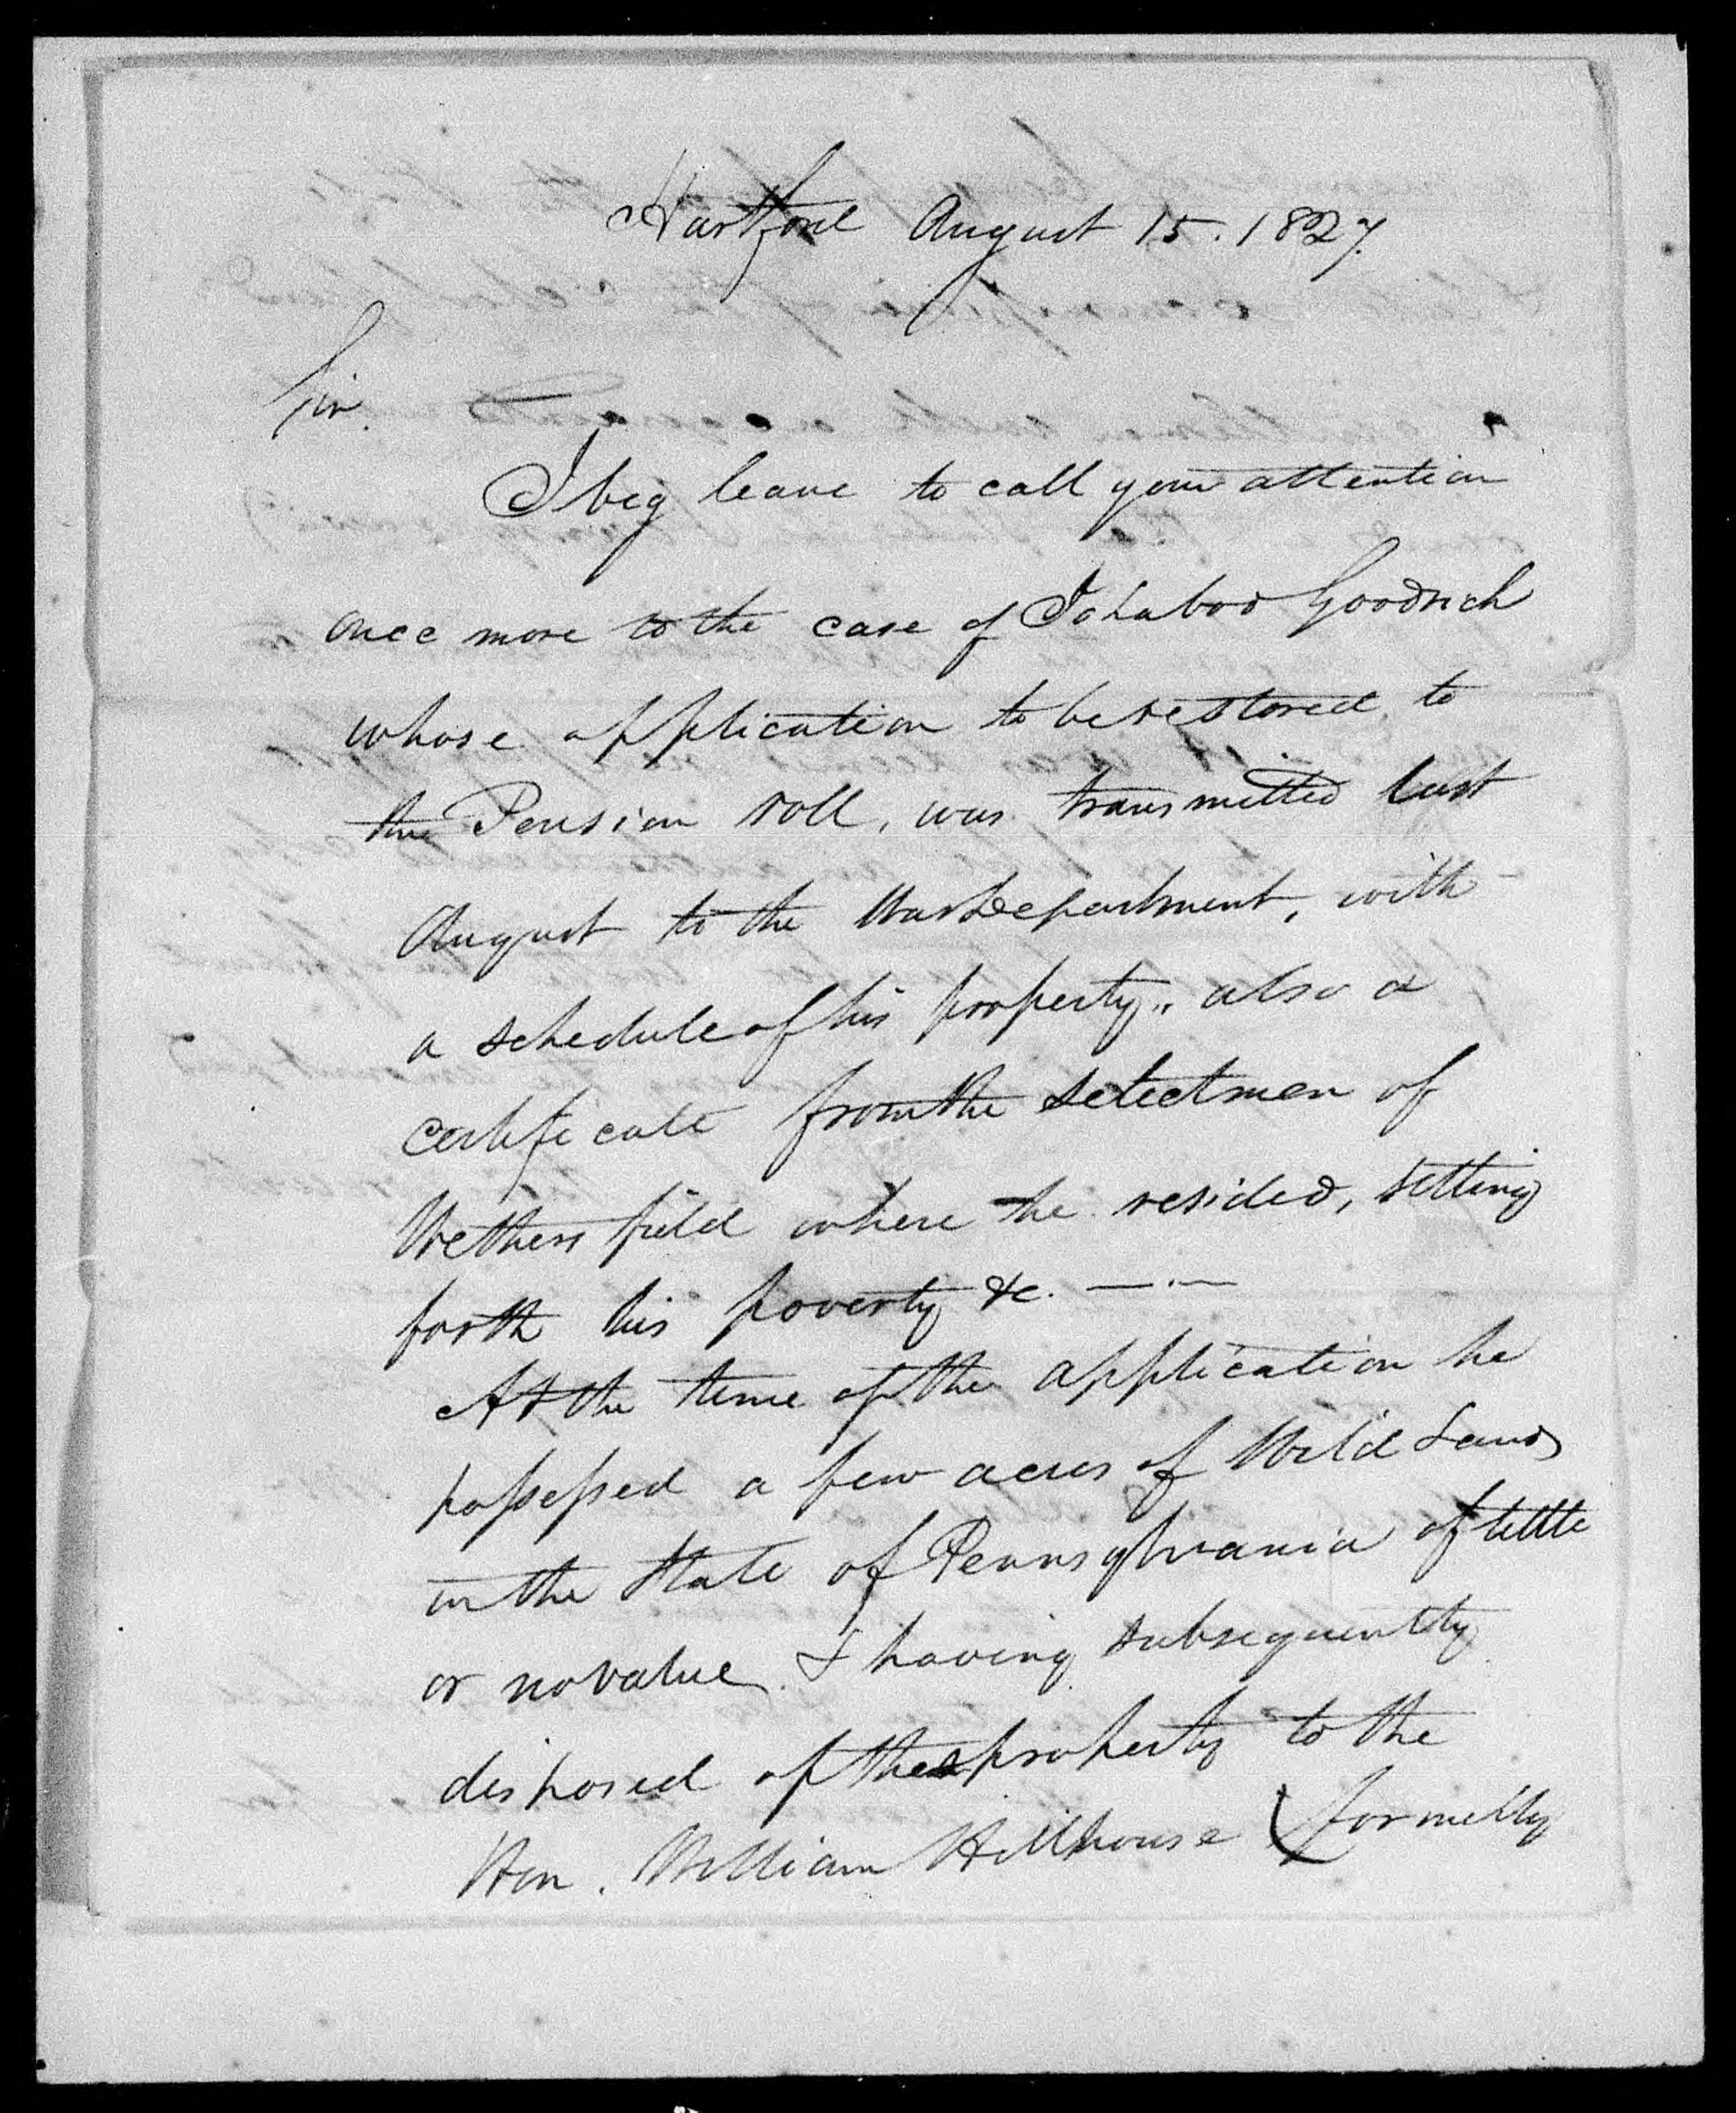Hartford August 15, 1827

Sir:
I beg leave to call your attention once more to the case of Ichabod Goodrich whose application to be restored to the Pension roll, was transmitted last August to the War Department, with a schedule of his property. Also a certificate from the selectmen of Wethersfield where he resided, setting forth his property &c.

At the time of the application he possessed a few acres of wildland in the state of Pennsylvania of little or no value, & having subsequently disposed of the property to the Hon. William Hillhouse (formally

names: Ichabod Goodrich, William Hillhouse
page: 35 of 46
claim: survivor's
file: S. 36,556, Ichabod Goodrich, Conn.